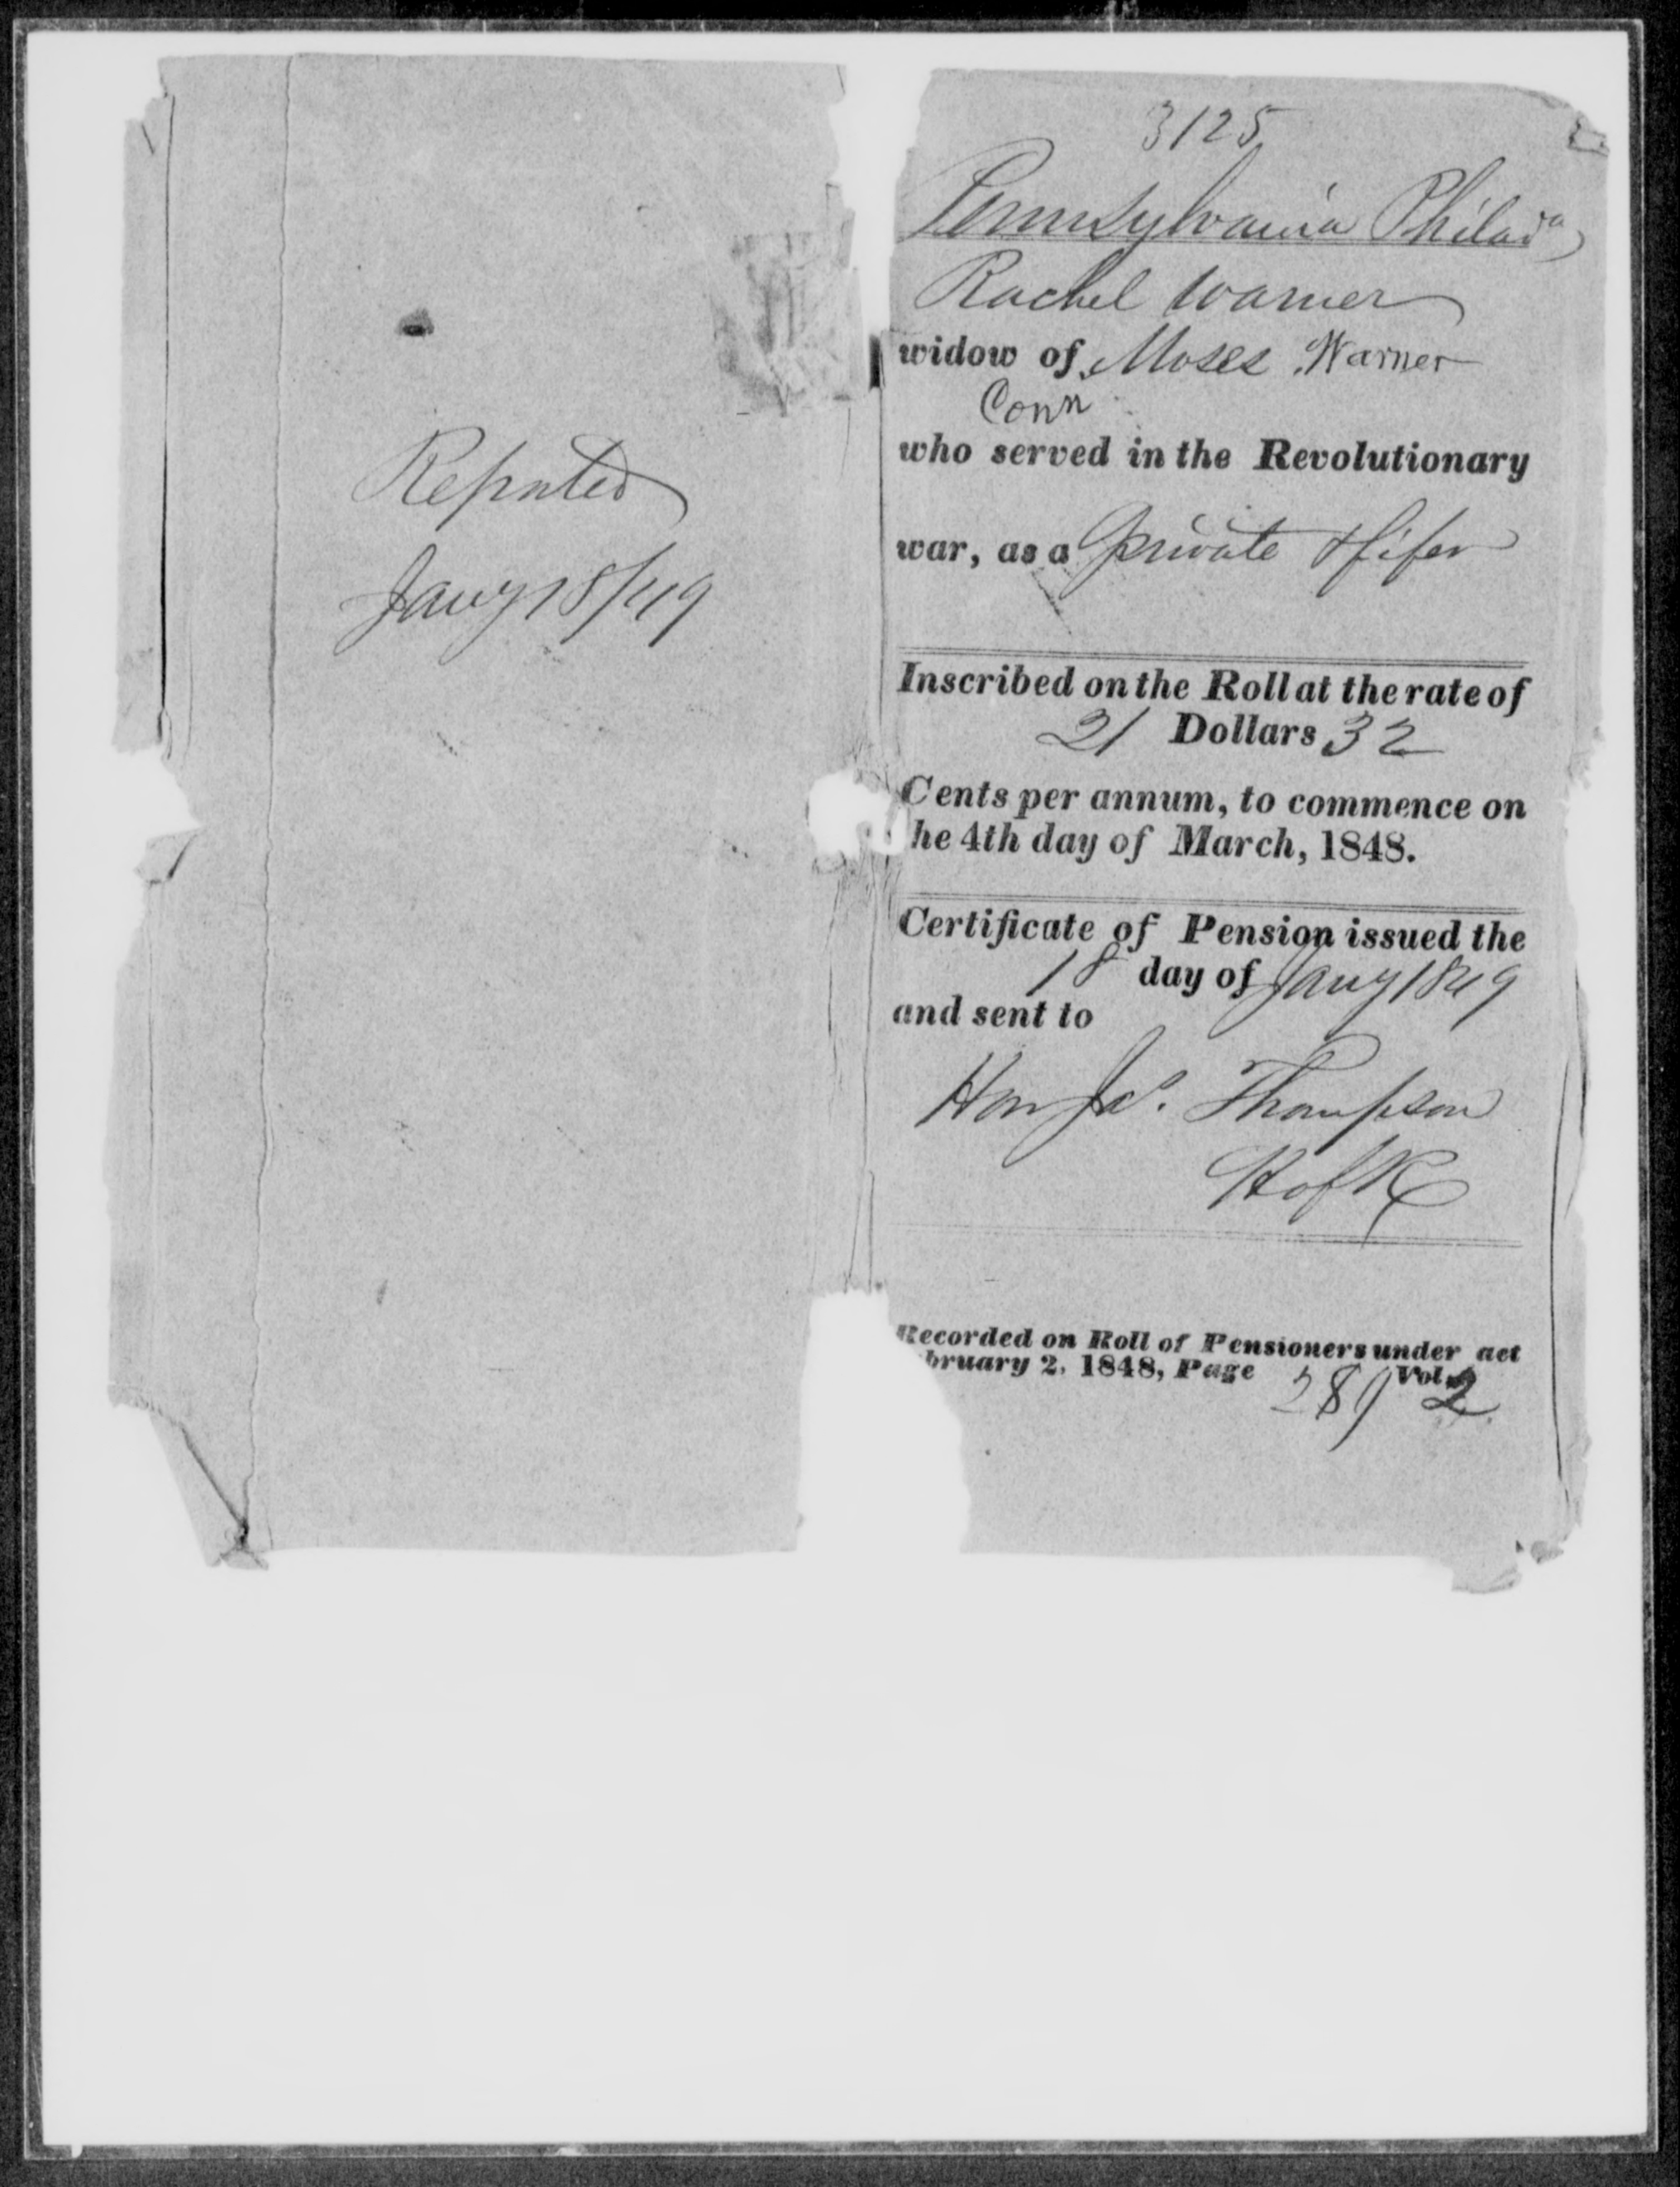Reputed
Jany 18/49

3125
Pennsylvania Philadelphia 
Rachel Warner
widow of Moses Warner
Conn
who served in the Revolutionary 
war, as a private and fifer
Inscribed on the Roll at the rate of
21 Dollars 32
Cents per annum, to commence on
the 4th day of March, 1848.
Certificate of Pension issued the
18 day of Jany 1849
and sent to 
Hon Jas Thompson
H of R
Recorded on Roll of Pensioners under act
of February 2, 1848, Page 289 Vol. 2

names: Jas Thompson, Moses Warner, Rachel Warner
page: 2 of 40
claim: widow's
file: W. 3742, Moses Warner, Conn.